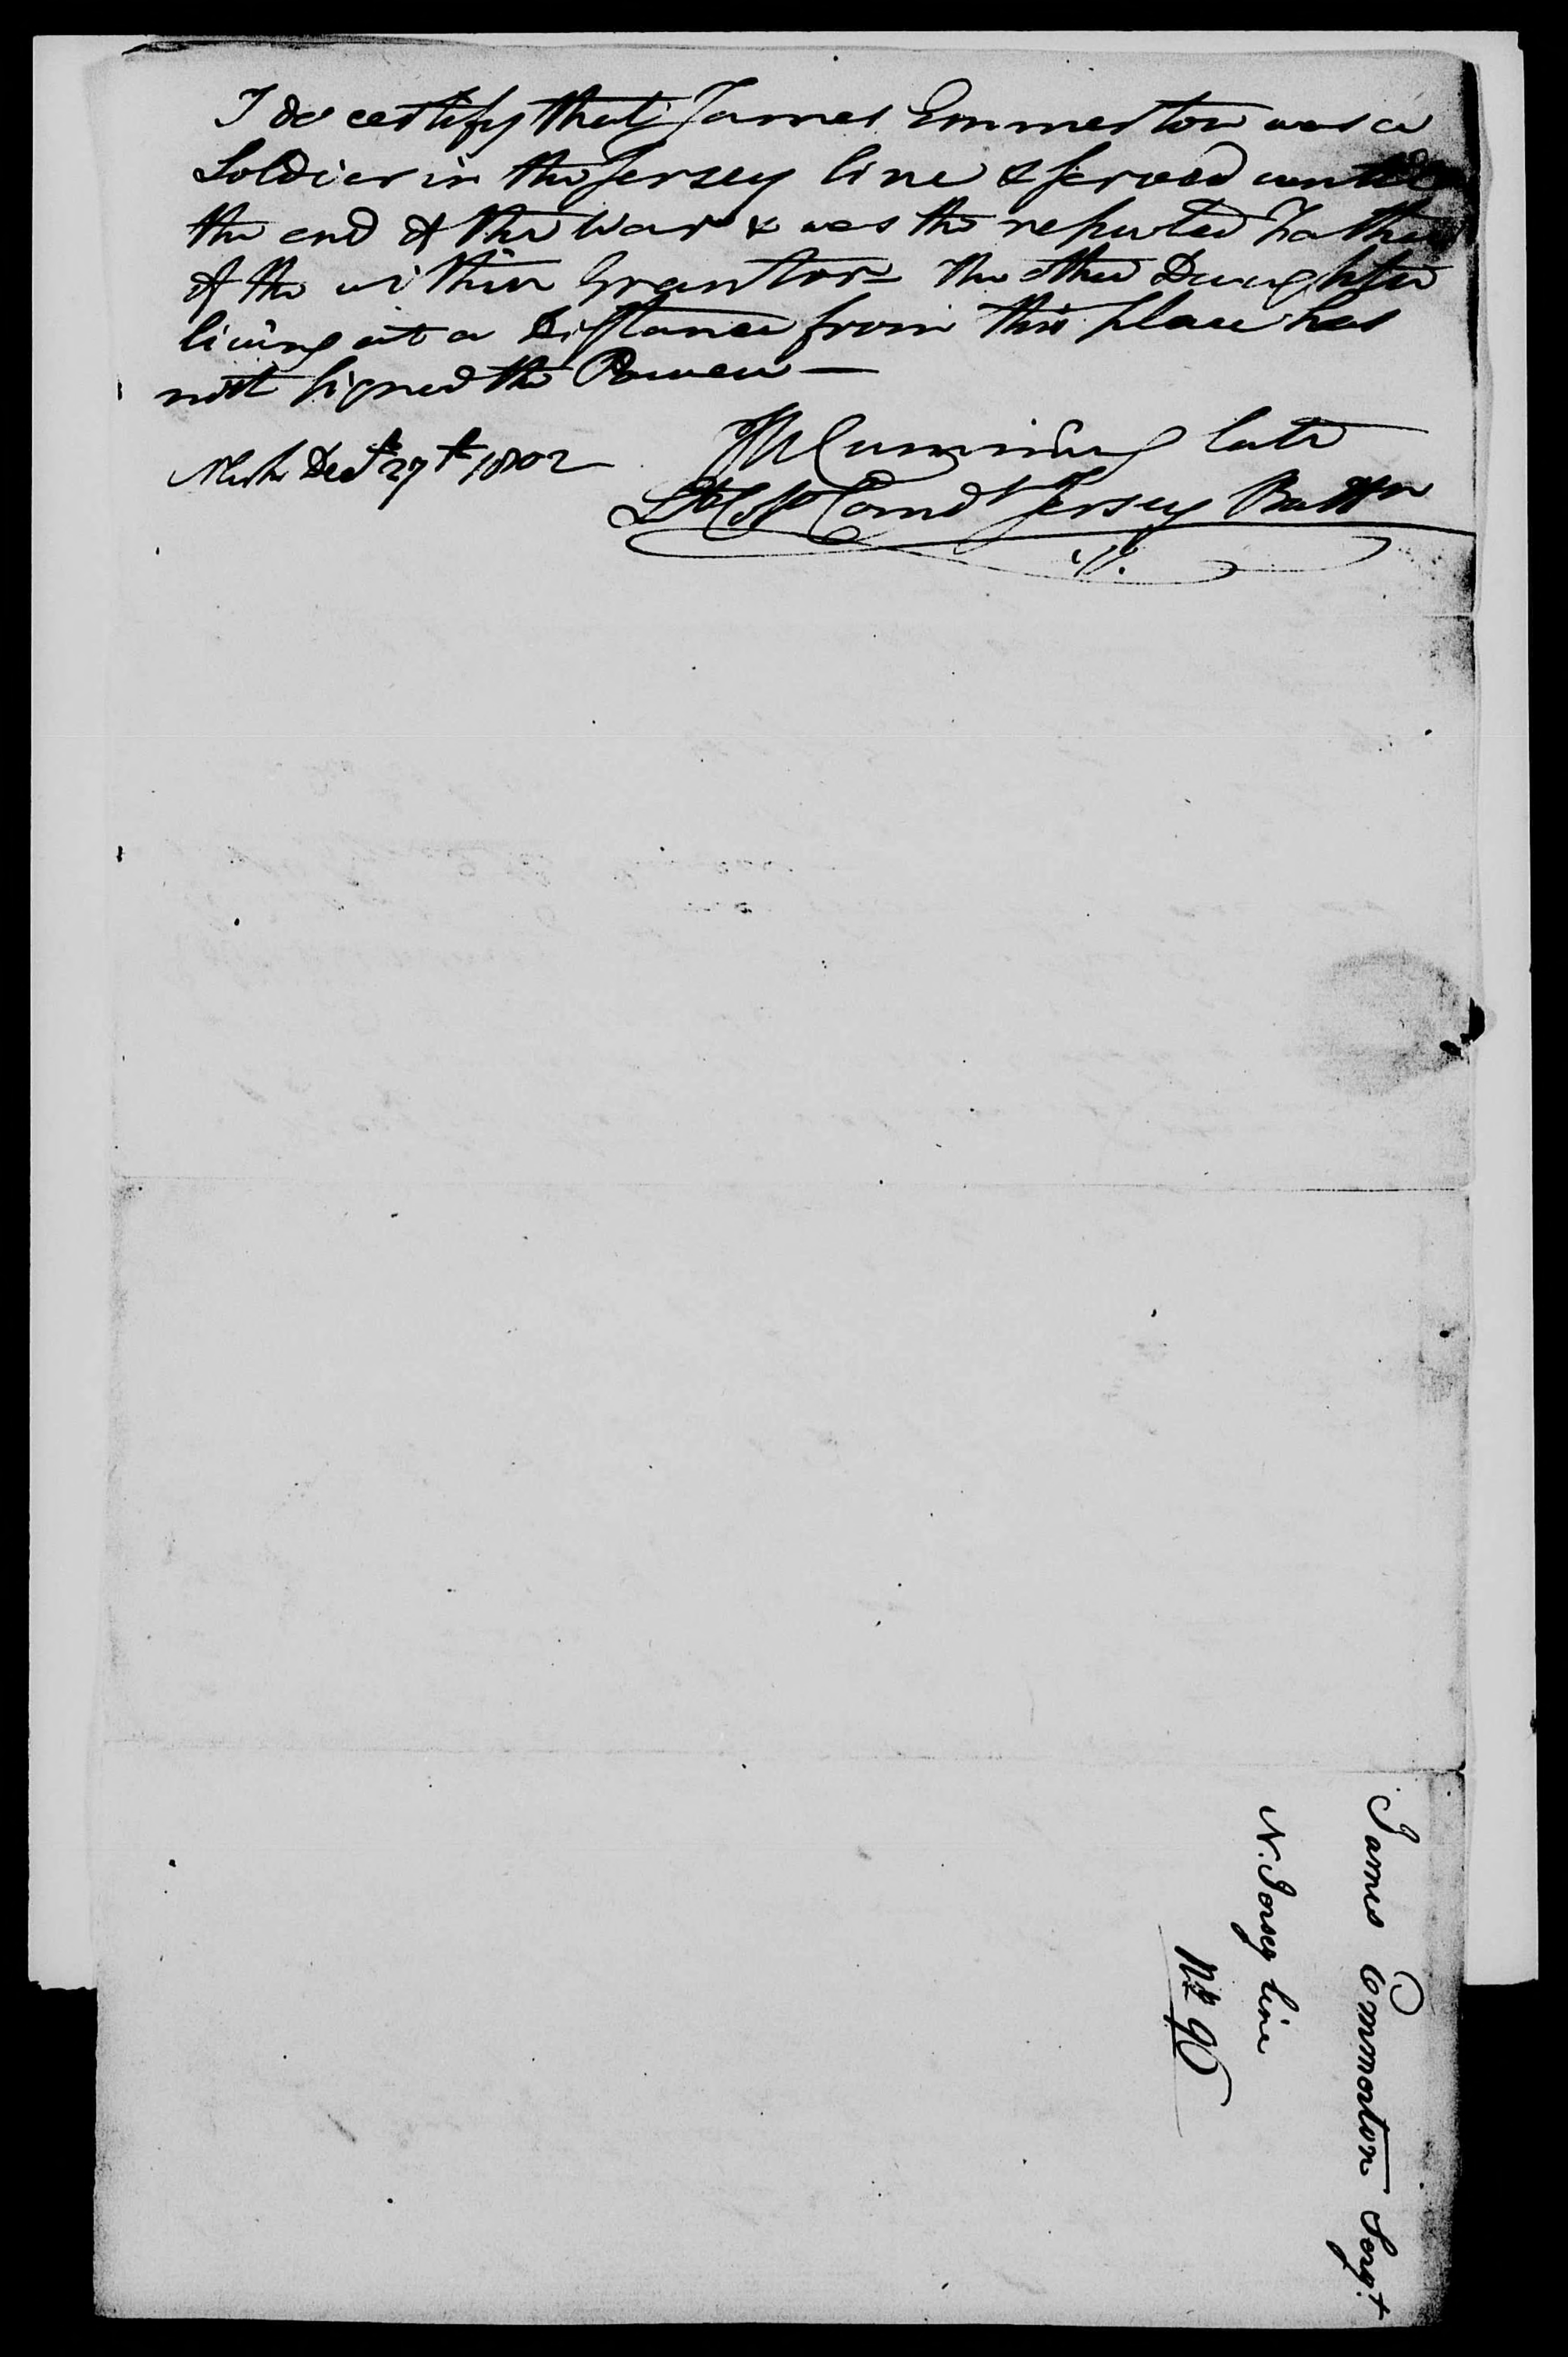I do certify that James Emmerton was a Soldier in New Jersey line & served until the end of the War & was the (illegible) father of this written Grantor.  The other daughter living at a distance from this place has not  (illegible) the Pension

Th Cumming (illegible)
(illegible) N Jersey (illegible)

(illegible) Dec 27th 1802

James Emerson Sergt.
N. Jersey line
N(illegible) 90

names: James Emmerton, Th Cumming, James Emmerton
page: 3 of 3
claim: bounty land warrant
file: B.L.Wt. 96-100, James Emmerton, New Jersey